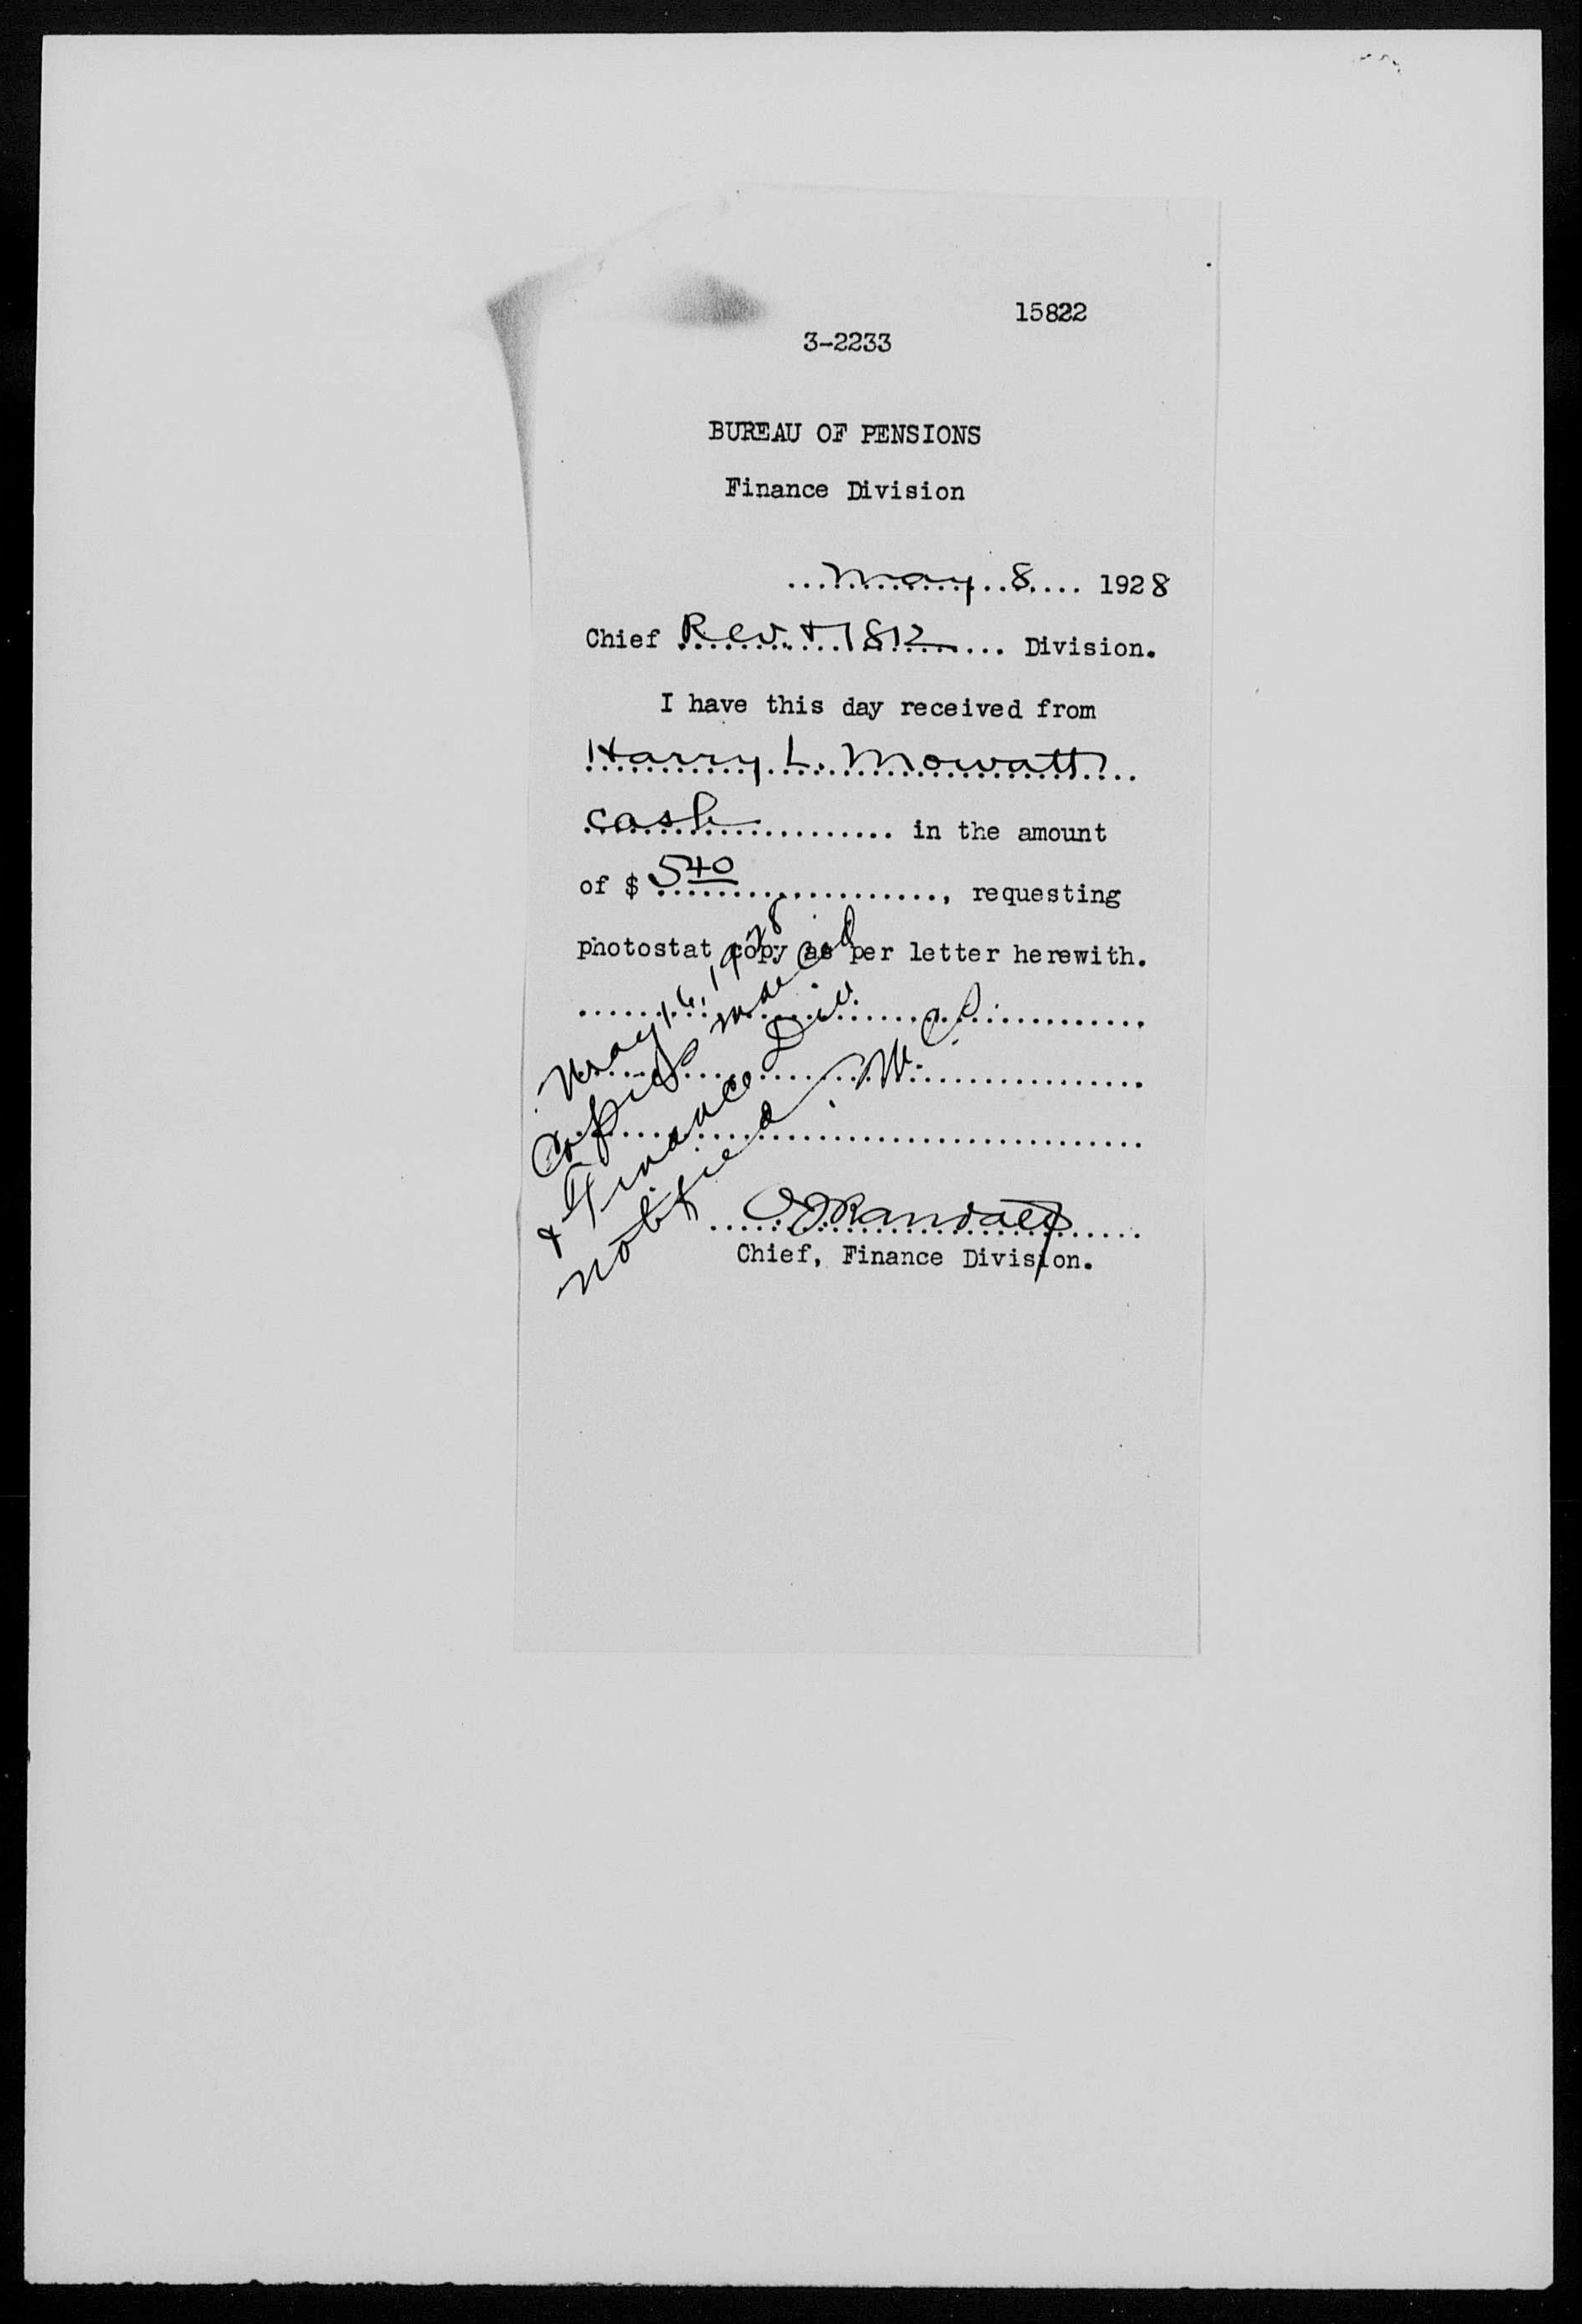15822
3-2233
BUREAU OF PENSIONS
Finance Division
May 8, 1928
Chief Rev & 1812 Division
I have this day received from
Harry L. Mowatt
cash in the amount
of $5.40, requesting
photostat copy as per letter herewith.
May 16, 1928
copies mailed 
& Finance Div
notified W.C.S.
O. J. Randall
Chief, Finance Division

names: Harry L Mowatt, O J Randolf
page: 7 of 16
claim: survivor's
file: S. 42,175, Ludwig Dorman, Penn.